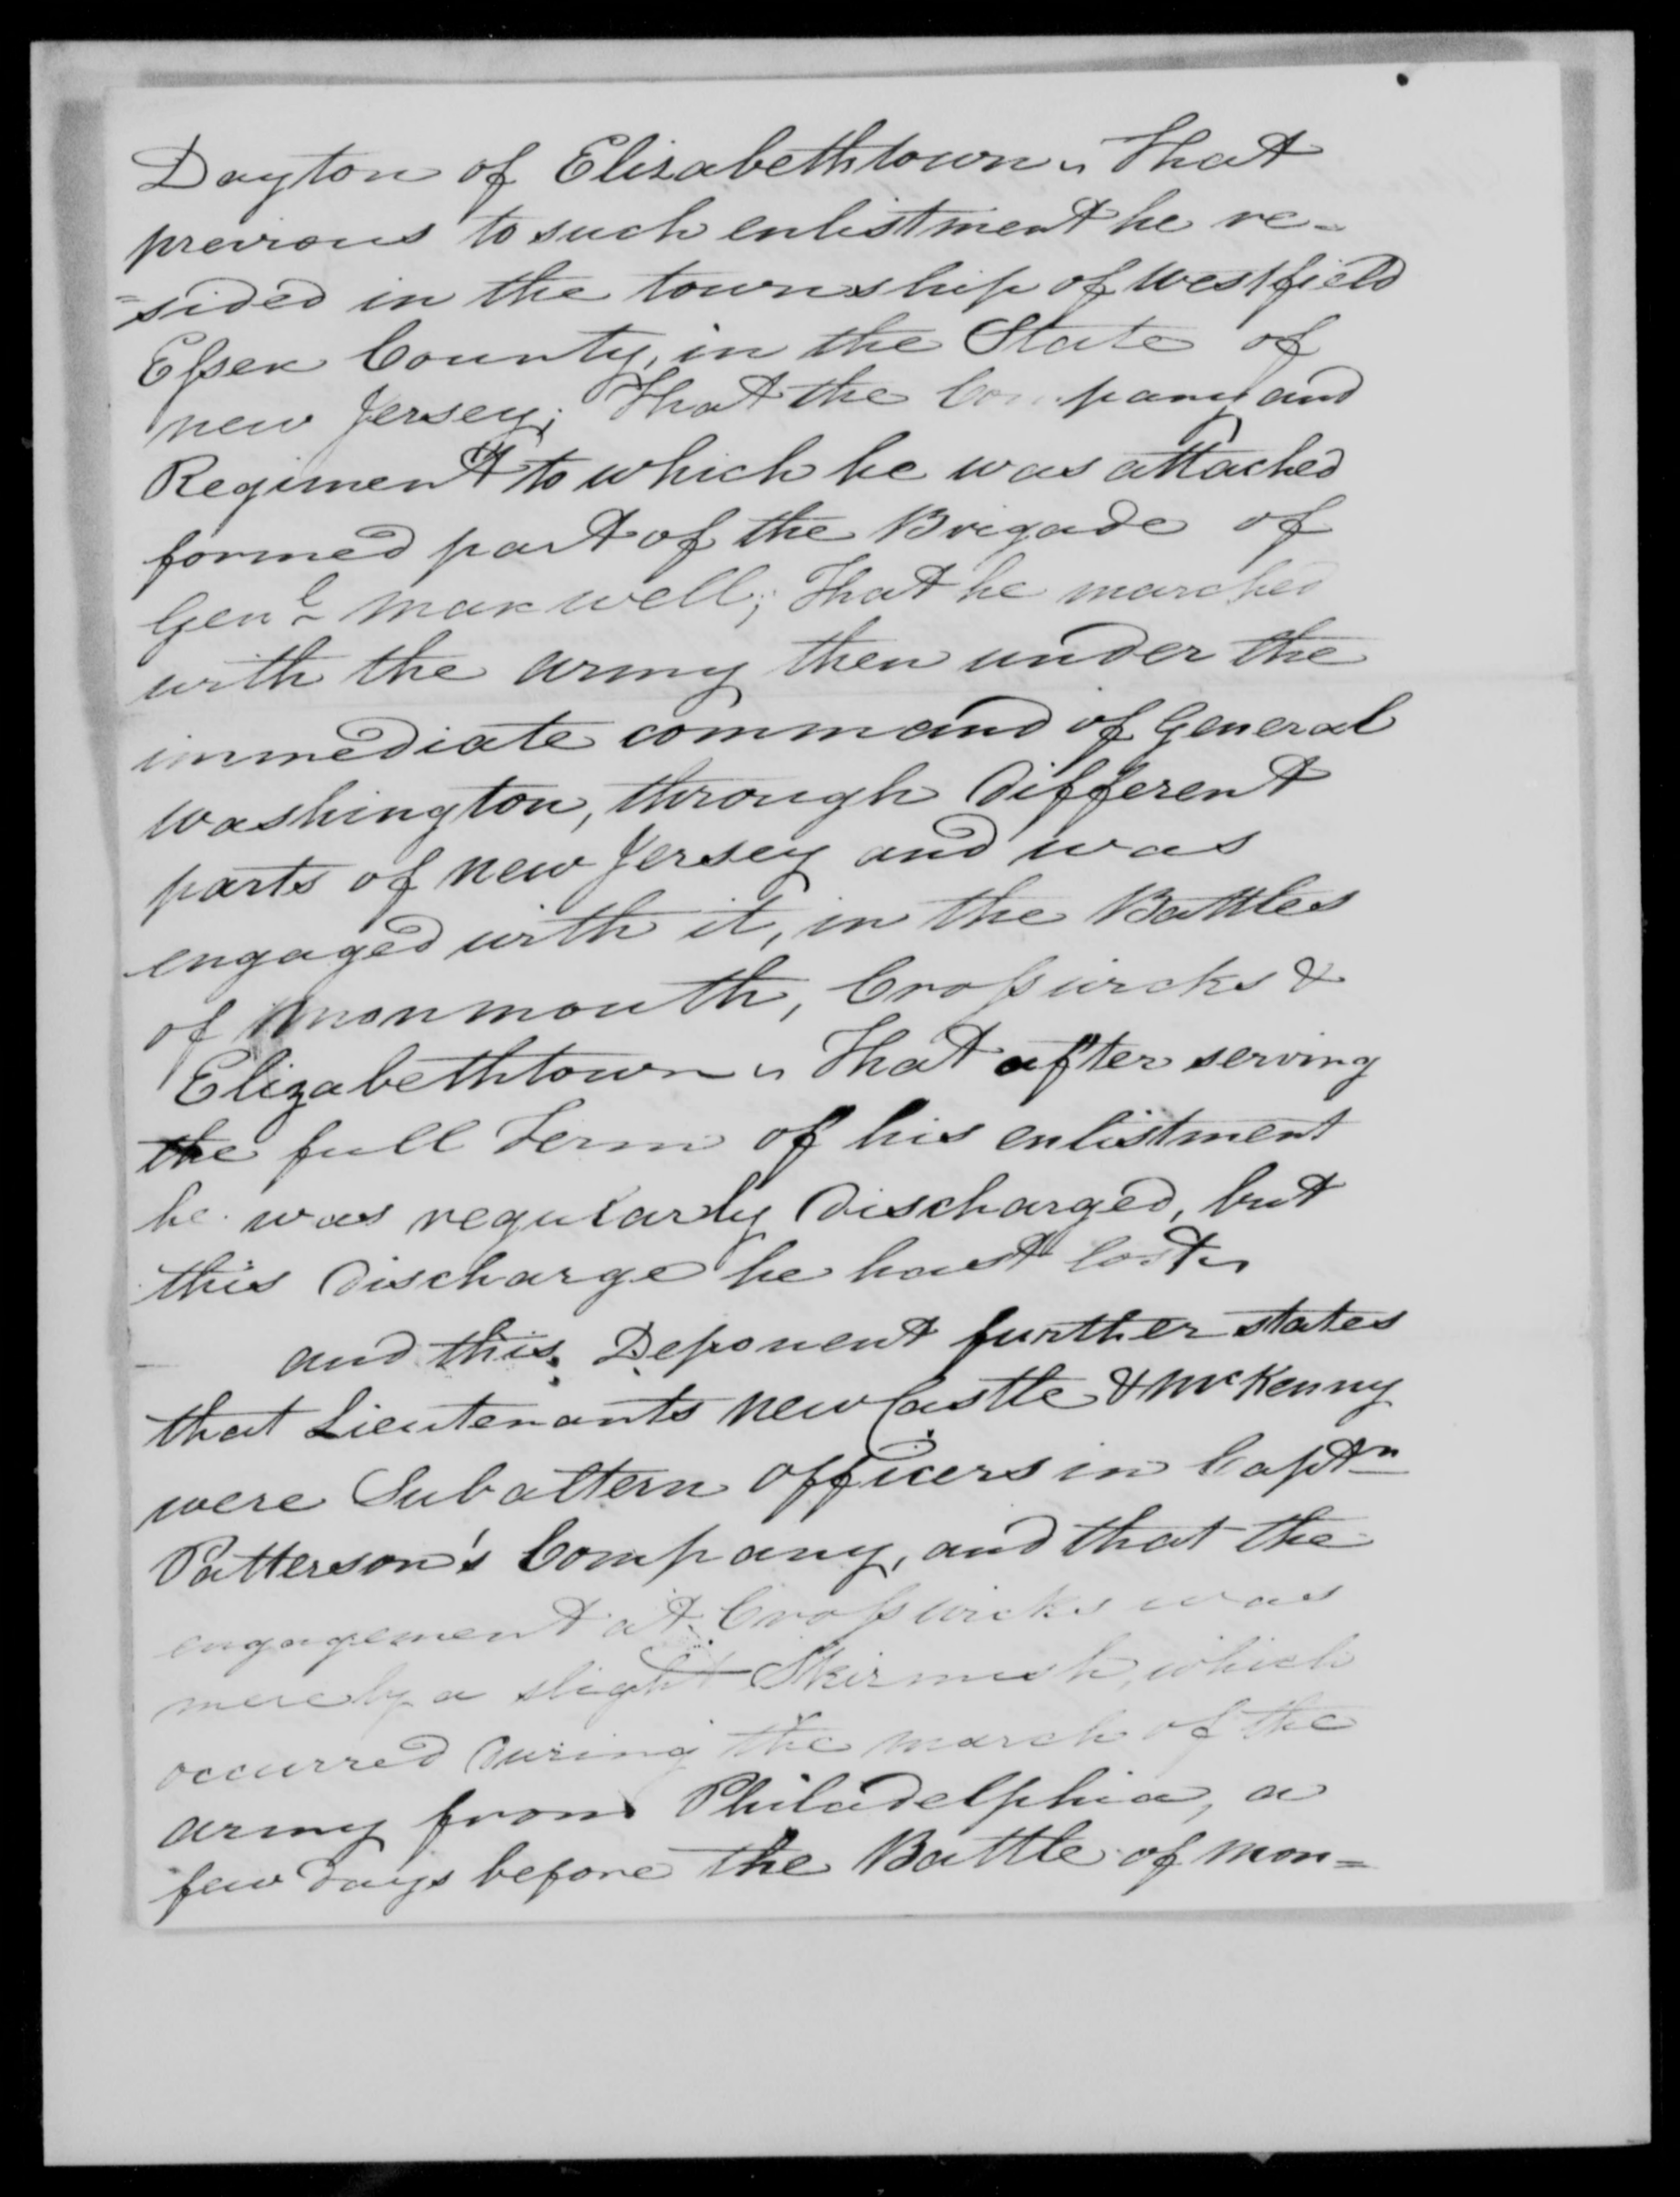Dayton of Elizabethtown. That previous to such enlistment he resided in the township of Westfield Essex County in the State of New Jersey; that the Company and Regiment to which he was attached formed part of the Brigade of Gen. Maxwell; That he marched with the army then under the immediate command of General Washington, through different parts of New Jersey and was engaged with it, in the Battles of Monmouth, Crosswick & Elizabethtown. That after serving the full term of his enlistment he was regularly Discharged but this discharge he has lost_ and this Defendent further states that Lieutenants Newcastle & McKensey were Subaltern officers in Captain Patterson's Company and that the engagement at Crosswicks  was merely a slight skirmish which occurred during the march of the army from Philadelphia, a few days before the Battle of Mon-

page: 6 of 101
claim: widow's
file: W. 25481, for Peter V Tilyou, New Jersey